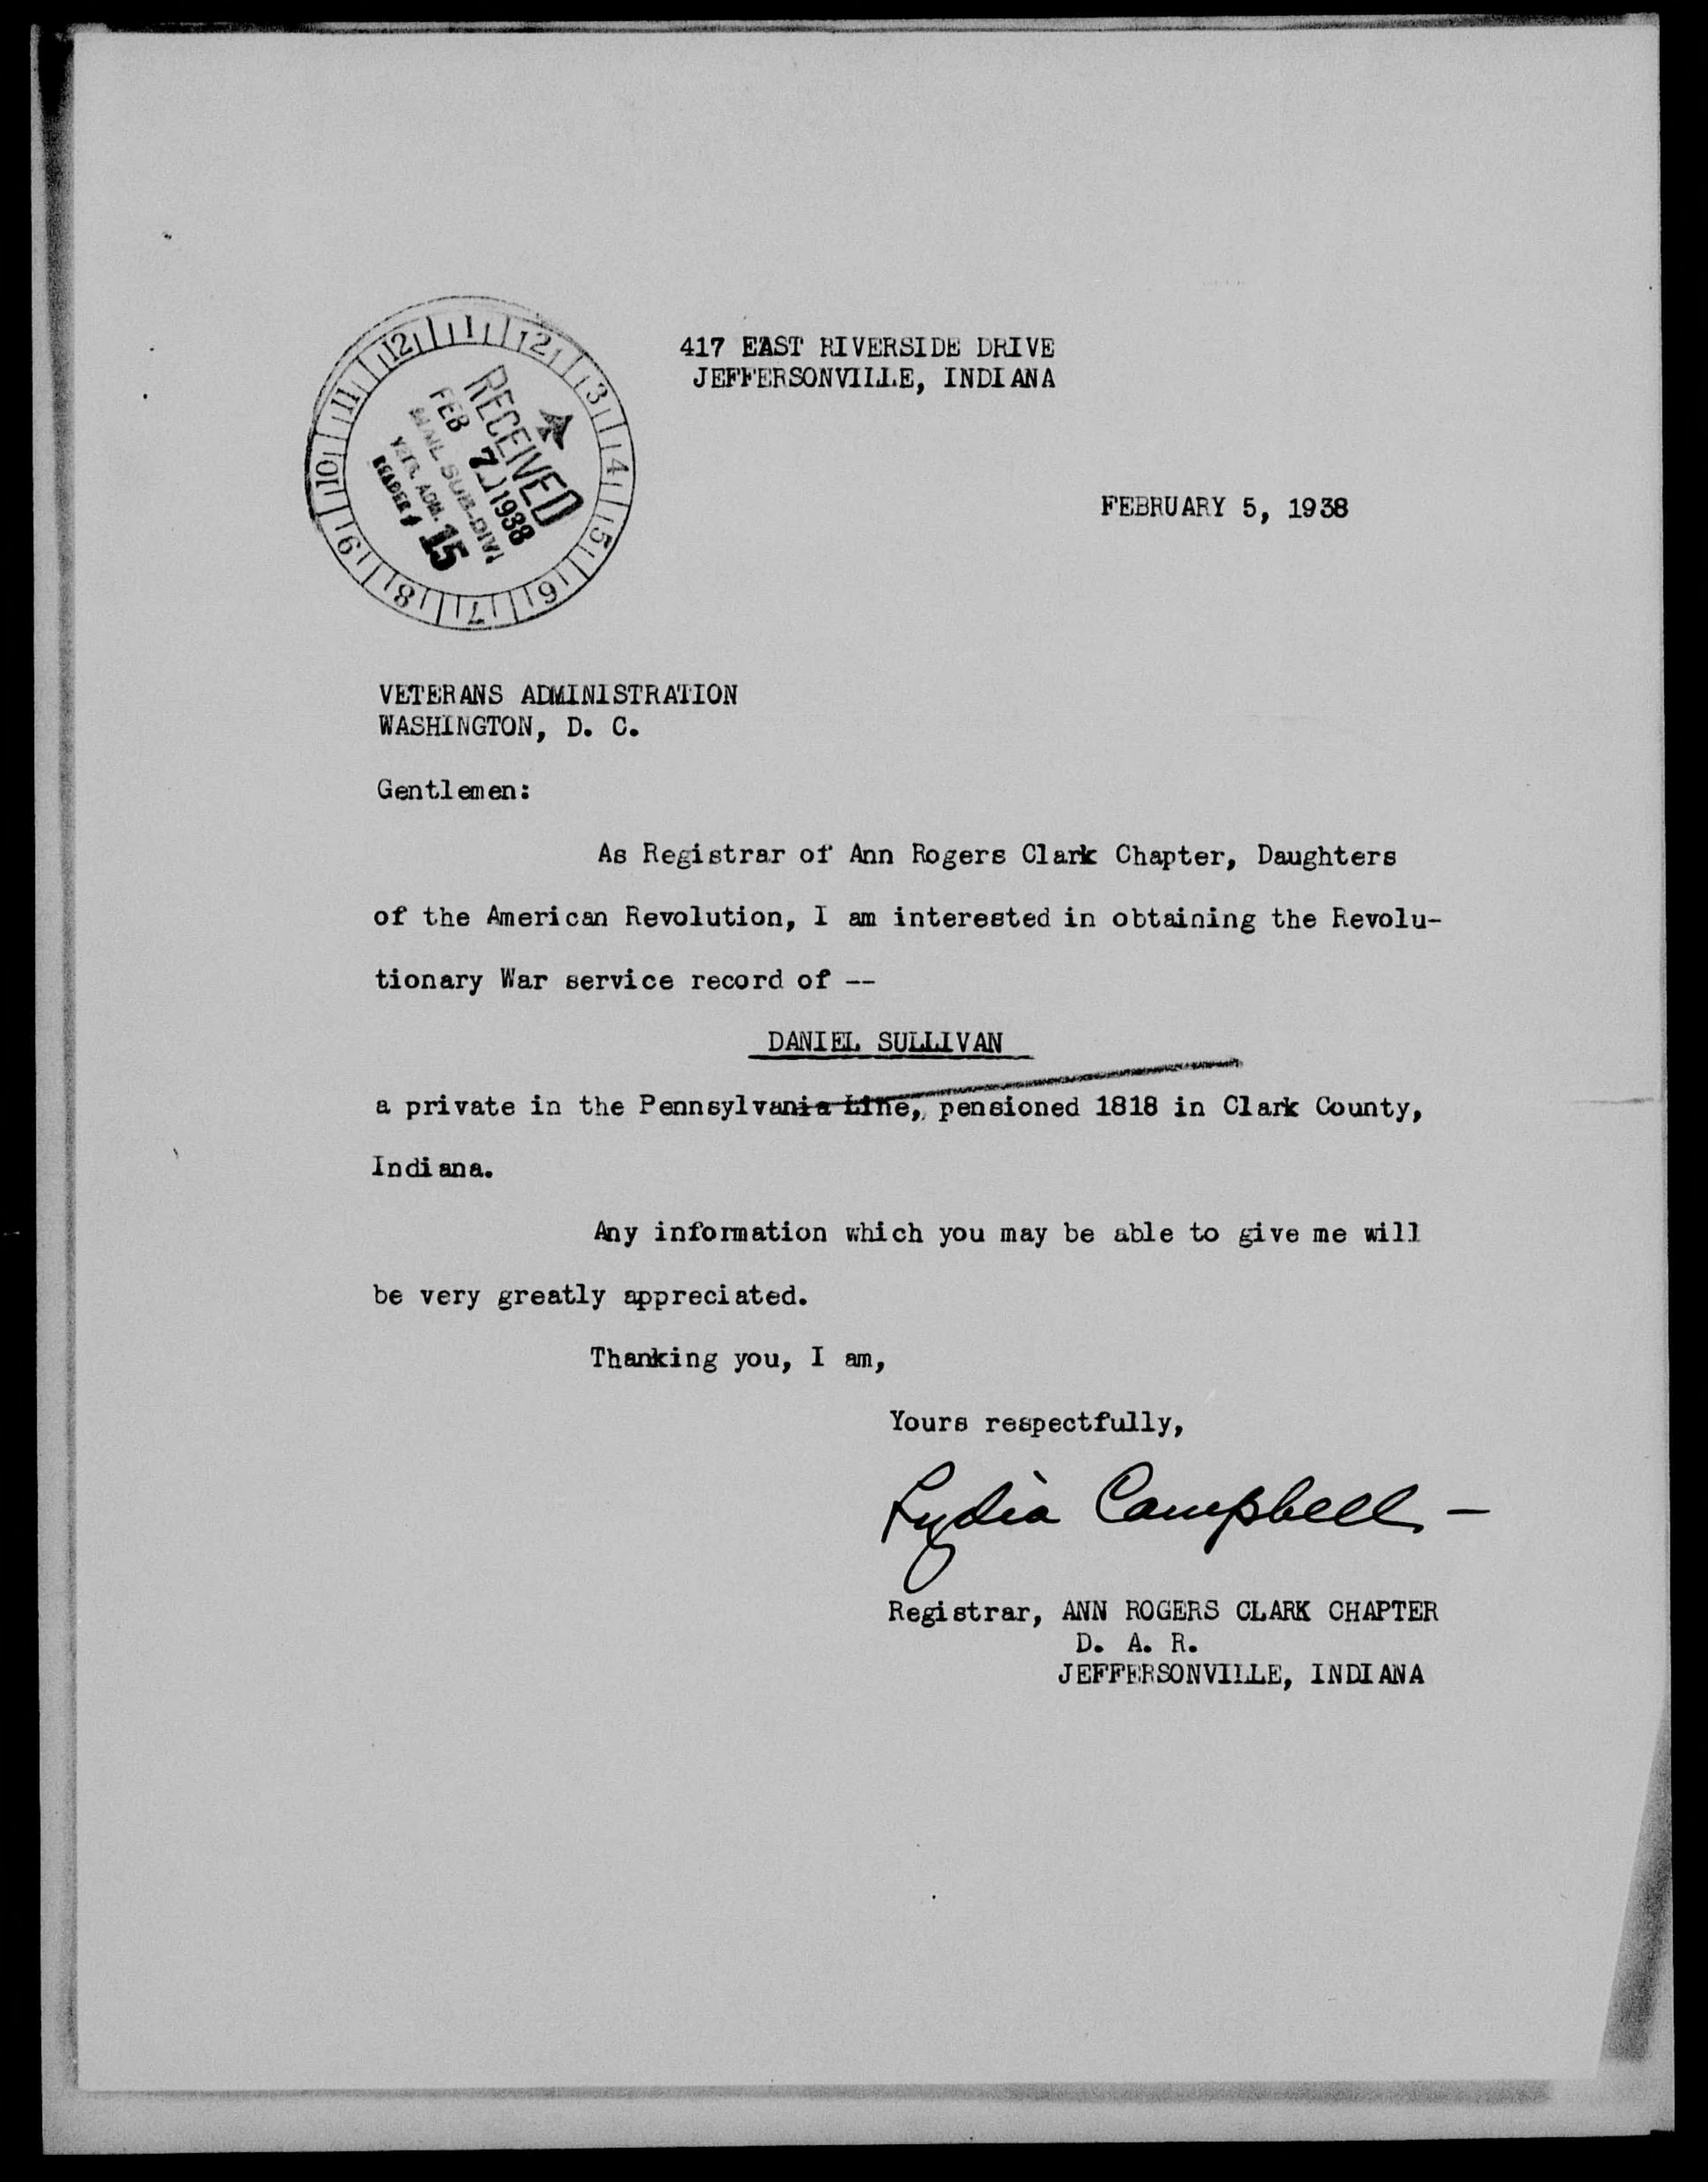[printed form, blanks filled by hand]

417 East Riverside Drive 
Jeffersonville, Indiana

Veterans Administration Washington, D.C.

Gentlemen: 
As Registrar of Ann Rogers Clark Chapter, Daughters of the American Revolution, I am interested in obtaining the Revolutionary War service record of -- Daniel Sullivan a private in the Pennsylvania Line, pensioned 1818 in Clark County, Indiana. Any information which you may be able to give me will be very greatly appreciated. 
Thanking you, I am, 
Yours respectfully, 
[signed] Lydia Campbell 
Registrar, Ann Rogers Clark Chapter 
D.A.R. 
Jeffersonville, Indiana

[round date stamp, upper left corner]
[outer edge numbered 1 to 12 with 1/4 hour increments, arrow pointing to 3]
RECEIVED
FEB 7 1938
MAIL SUB-DIV.
VETS ADM.
READER # 15
[/round date stamp]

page: 76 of 78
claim: widow's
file: W. 25,169, for Daniel Sullivan, Maryland